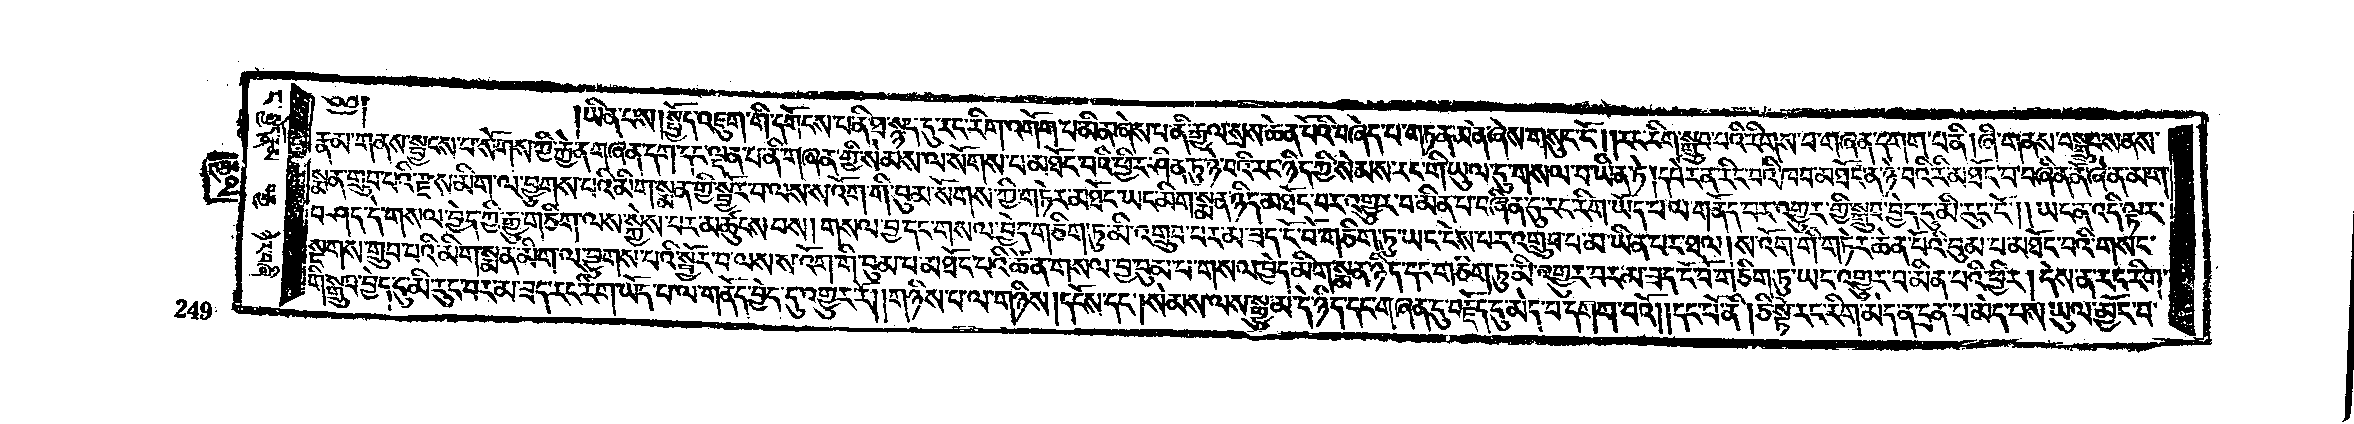༄༅། །ཡིན་པས། སྤྱོད་འཇུག་གི་དགོངས་པ་ནི་ཐ་སྙད་དུ་རང་རིག་འགོག་པ་མིན་ཞེས་པ་ནི་རྒྱལ་སྲས་ཆེན་པོའི་བཞེད་པ་གཏན་མིན་ཞེས་གསུང་ངོ། །རང་རིག་སྒྲུབ་པའི་རིགས་པ་གཞན་དགག་པ་ནི། ཞི་གནས་བསྒྲུབས་ནས་
རྣམ་གནས་སྦྱངས་པ་སོགས་ཀྱི་རྐྱེན་གཞན་དག་དང་ལྡན་པ་ནི་གཞན་གྱི་སེམས་ལ་སོགས་པ་མཐོང་བའི་ཕྱིར་ཤིན་ཏུ་ཉེ་བའི་རང་ཉིད་ཀྱི་སེམས་རང་གི་ཡུལ་དུ་གསལ་བ་ཡིན་ཏེ། དཔེར་ན་རིང་བའི་ཁབ་མཐོང་ན་ཉེ་བའི་རི་མཐོང་བ་བཞིན་ནོ་ཞེ་ན་མག་
སྨན་གྲུབ་པའི་རྫས་མིག་ལ་བྱུགས་པའི་མིག་སྨན་གྱི་སྦྱོར་བ་ལས་ས་འོག་གི་བུམ་སོགས་ཀྱི་གཏེར་མཐོང་ཡང་མིག་སྨན་ཉིད་མཐོང་བར་འགྱུར་བ་མིན་པ་བཞིན་དུ་རང་རིག་ཡོད་པ་ལ་གནོད་པར་འགྱུར་གྱི་སྒྲུབ་བྱེད་དུ་མི་རུང་ངོ། །ཡང་ན་འདི་ལྟར་
བཤད་དེ་གསལ་བྱེད་ཀྱི་རྒྱུ་གཅིག་ལས་སྐྱེས་པར་མཚུངས་པས། གསལ་བྱ་དང་གསལ་བྱེད་གཅིག་ཏུ་མི་འགྲུབ་པར་མ་ཟད་ངོ་བོ་གཅིག་ཏུ་ཡང་ངེས་པར་འགྲུབ་པ་མ་ཡིན་པར་ཐལ། ས་འོག་གི་གཏེར་ཆེན་པོའི་བུམ་པ་མཐོང་བའི་གསང་
སྔགས་གྲུབ་པའི་མིག་སྨན་མིག་ལ་བྱུགས་པའི་སྦྱོར་བ་ལས་ས་འོག་གི་བུམ་པ་མཐོང་བའི་ཚེ་ན་གསལ་བྱ་བུམ་པ་གསལ་བྱེད་མིག་སྨན་ཉིད་དང་གཅིག་ཏུ་མི་འགྱུར་བར་མ་ཟད་ངོ་བོ་གཅིག་ཏུ་ཡང་འགྱུར་བ་མིན་པའི་ཕྱིར། དེས་ན་རང་རིག་
གི་སྒྲུབ་བྱེད་དུ་མི་རུང་བར་མ་ཟད་རང་རིག་ཡོད་པ་ལ་གནོད་བྱེད་དུ་འགྱུར་རོ། །གཉིས་པ་ལ་གཉིས། དངོས་དང་། སེམས་ལས་སྒྱུ་མ་དེ་ཉིད་དང་ཞན་དུ་བརྗོད་དུ་མེད་པ་དགག་པའོ། །དང་པོ་ནི། ཅི་སྟེ་རང་རིག་མེད་ན་དྲན་པ་མེད་པས་ཡུལ་མྱོང་བ་